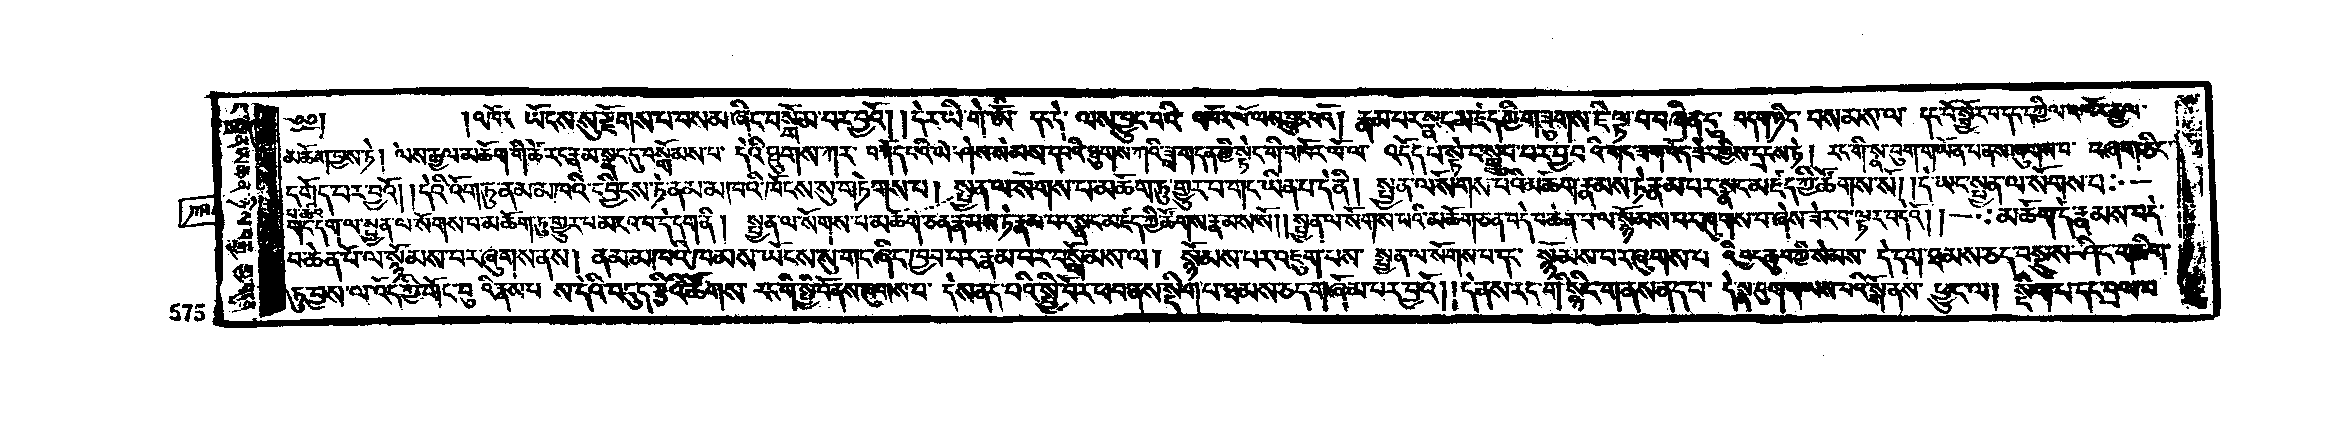༄༅། །འཁོར་ཡོངས་སུ་རྫོགས་པ་བསམ་ཞིང་བསྒོམ་པར་བྱའོ། །དེར་ཡི་གེ་ཨོཾ་དང་དེ་ལས་བྱུང་བའི་འཁོར་ལོ་ལས་བྱུང་བའོ། རྣམ་པར་སྣང་མཛད་ཀྱི་གཟུགས་ཇི་ལྟ་བ་བཞིན་དུ་བདག་ཉིད་བསམས་ལ་དང་པོ་སྦྱོར་བ་དང་དཀྱིལ་འཁོར་རྒྱལ་
མཆོག་བྱས་ཏེ། ལས་རྒྱལ་མཆོག་གི་ཚེ་རང་རྣམ་སྣང་དུ་བསྒོམས་པ་དེའི་ཐུགས་ཀར་བཀོད་པའི་ཡེ་ཤེས་སེམས་དཔའི་ཐུགས་ཀའི་ཟླ་གདན་གྱི་སྟེང་གི་འཁོར་ལོ་ལ་འདོད་པ་སྟེ་བསྒྲུབ་པར་བྱ་བའི་གང་ཟག་འོད་ཟེར་གྱིས་དྲངས་ཏེ། རང་གི་སྣ་བུག་གཡོན་པ་ནས་ཞུགས་པ་བཞག་ཅིང་
དགོད་པར་བྱའོ། །དེའི་འོག་ཏུ་ནམ་མཁའི་དབྱིངས་ཏེ་ནམ་མཁའི་ཁོངས་སུ་གཏེགས་པ། སྤྱན་ལ་སོགས་པ་མཆོག་ཏུ་གྱུར་པ་གང་ཡིན་པ་དེ་ནི། སྤྱན་ལ་སོགས་པའི་མཆོག་རྣམས་ཏེ་རྣམ་པར་སྣང་མཛད་ཀྱི་ཚོགས་སོ། །དེ་ཡང་སྤྱན་ལ་སོགས་པ་H.
ཕ་ཚབ་གང་དག་ལ་སྤྱན་ལ་སོགས་པ་མཆོག་ཏུ་གྱུར་པ་མཇའ་བ་དེ་དག་ནི། སྤྱན་ལ་སོགས་པ་མཆོག་ཅན་རྣམས་ཏེ་རྣམ་པར་སྣང་མཛད་ཀྱི་ཚོགས་རྣམས་སོ། །སྤྱན་ལ་སོགས་པའི་མཆོག་ཅན་བདེ་བ་ཆེན་པོ་ལ་སྙོམས་པར་ཞུགས་པ་ཞེས་ཟེར་བ་ལྟར་བདེའོ།།  .H མཆོག་དེ་རྣམས་བདེ་
བ་ཆེན་པོ་ལ་སྙོམས་པར་ཞུགས་ནས། ནམ་མཁའི་ཁམས་ཡོངས་སུ་གང་ཞིང་ཁྱབ་པར་རྣམ་པར་བསྒོམས་ལ། སྙོམས་པར་འཇུག་པས་སྤྱན་ལ་སོགས་པ་དང་སྙོམས་པར་ཞུགས་པའི་བྱང་ཆུབ་ཀྱི་སེམས་དེ་དག་ཐམས་ཅད་བསྡུས་ཤིང་གཅིག་
ཏུ་བྱས་ལ་འོད་ཀྱི་གོང་བུའི་རྣམ་པས་དེའི་བདུད་རྩིའི་ཚོགས་རང་གི་སྤྱི་བོ་ནས་ཞུགས་པ་དེས་ནད་པའི་སྤྱི་བོར་ཕབ་ནས་སྡིག་པ་ཐམས་ཅད་གཞོམ་པར་བྱའོ། །དེ་ནས་རང་གི་སྙིང་གནས་ནད་པ་དེ་སྣ་བུག་གཡས་པའི་སྒོ་ནས་ཕྱུང་ལ། སྡིག་པ་དང་བྲལ་བ་